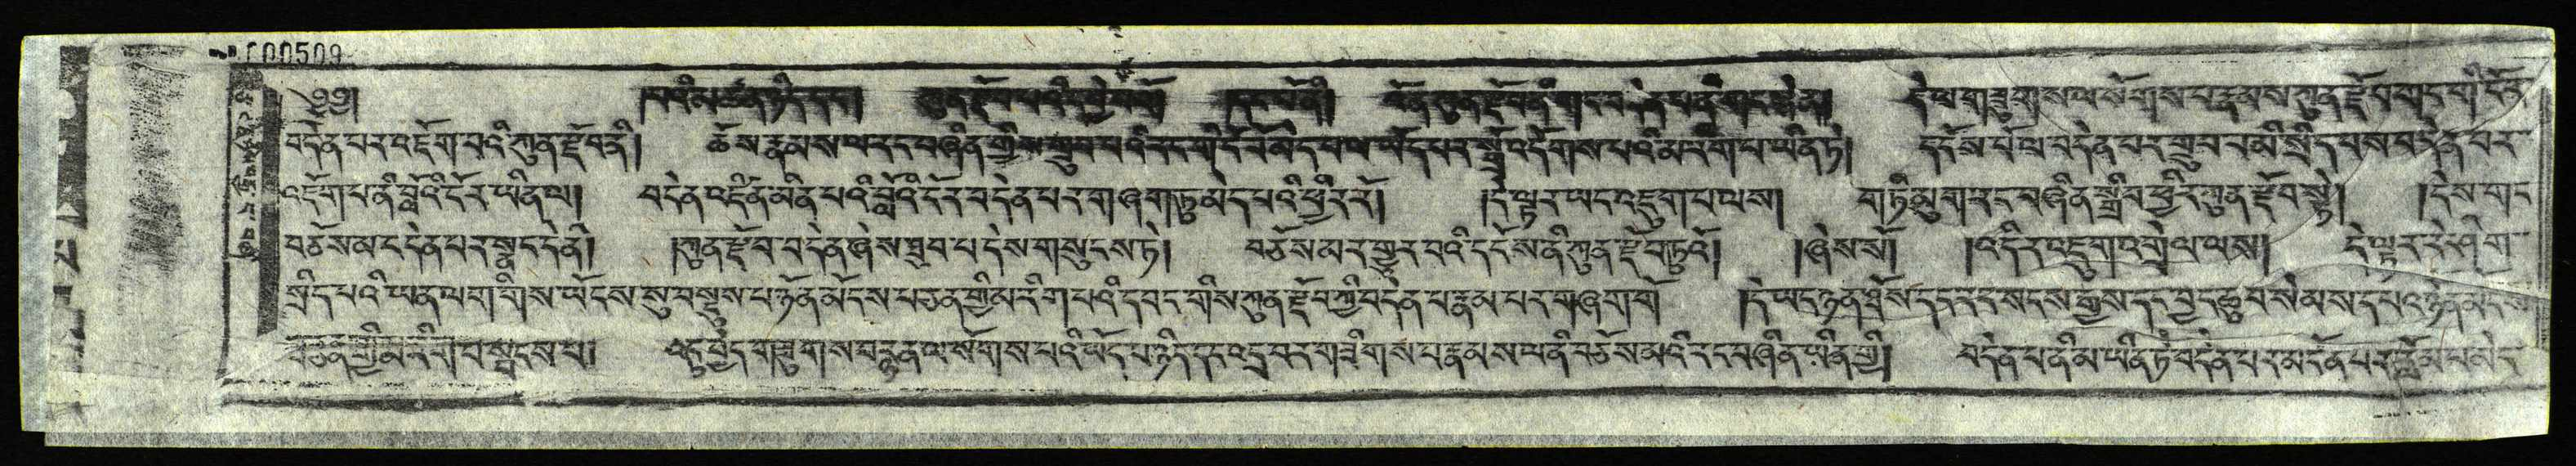༄༅། །པའི་མཚན་ཉིད་དང་། ཀུན་རྫོབ་པའི་དབྱེ་བའོ། །དང་པོ་ནི། འོ་ན་ཀུན་རྫོབ་ནི་གང་བདེན་པ་ནི་གང་ཞེ་ན། དེ་ལ་གཟུགས་ལ་སོགས་པ་རྣམས་ཀུན་རྫོབ་གང་གི་ངོར་
བདེན་པར་འཇོག་པའི་ཀུན་རྫོབ་ནི། ཆོས་རྣམས་ལ་རང་བཞིན་གྱིས་གྲུབ་པའི་རང་གི་ངོ་བོ་མེད་པ་ལ་ཡོད་པར་སྒྲོ་འདོགས་པའི་མ་རིག་པ་ཡིན་ཏེ། དངོས་པོ་ལ་བདེན་པར་གྲུབ་པ་མི་སྲིད་པས་བདེན་པར་
འཇོག་པ་ནི་བློའི་ངོར་ཡིན་ལ། བདེན་འཛིན་མིན་པའི་བློའི་ངོར་བདེན་པར་གཞག་ཏུ་མེད་པའི་ཕྱིར་རོ། །དེ་ལྟར་ཡང་འཇུག་པ་ལས། གཏི་མུག་རང་བཞིན་སྒྲིབ་ཕྱིར་ཀུན་རྫོབ་སྟེ། །དེས་གང་
བཅོས་མ་བདེན་པར་སྣང་དེ་ནི། །ཀུན་རྫོབ་བདེན་ཞེས་ཐུབ་པ་དེས་གསུངས་ཏེ། བཅོས་མར་གྱུར་བའི་དངོས་ནི་ཀུན་རྫོབ་ཏུའོ། །ཞེས་སོ། །འདིར་འཇུག་འགྲེལ་ལས། དེ་ལྟར་རེ་ཤིག་
སྲིད་པའི་ཡན་ལག་གིས་ཡོངས་སུ་བསྡུས་པ་ཉོན་མོངས་པ་ཅན་གྱི་མ་རིག་པའི་དབང་གིས་ཀུན་རྫོབ་ཀྱི་བདེན་པ་རྣམ་པར་གཞག་གོ །དེ་ཡང་ཉན་ཐོས་དང་རང་སངས་རྒྱས་དང་བྱང་ཆུབ་སེམས་དཔའ་ཉོན་མོངས་
པ་ཅན་གྱི་མ་རིག་པ་སྤངས་པ། འདུ་བྱེད་གཟུགས་བརྙན་ལ་སོགས་པའི་ཡོད་པ་ཉིད་དང་འདྲ་བར་གཟིགས་པ་རྣམས་ལ་ནི་བཅོས་མའི་རང་བཞིན་ཡིན་གྱི། བདེན་པ་ནི་མ་ཡིན་ཏེ་བདེན་པར་མངོན་པར་རློམ་པ་མེད་